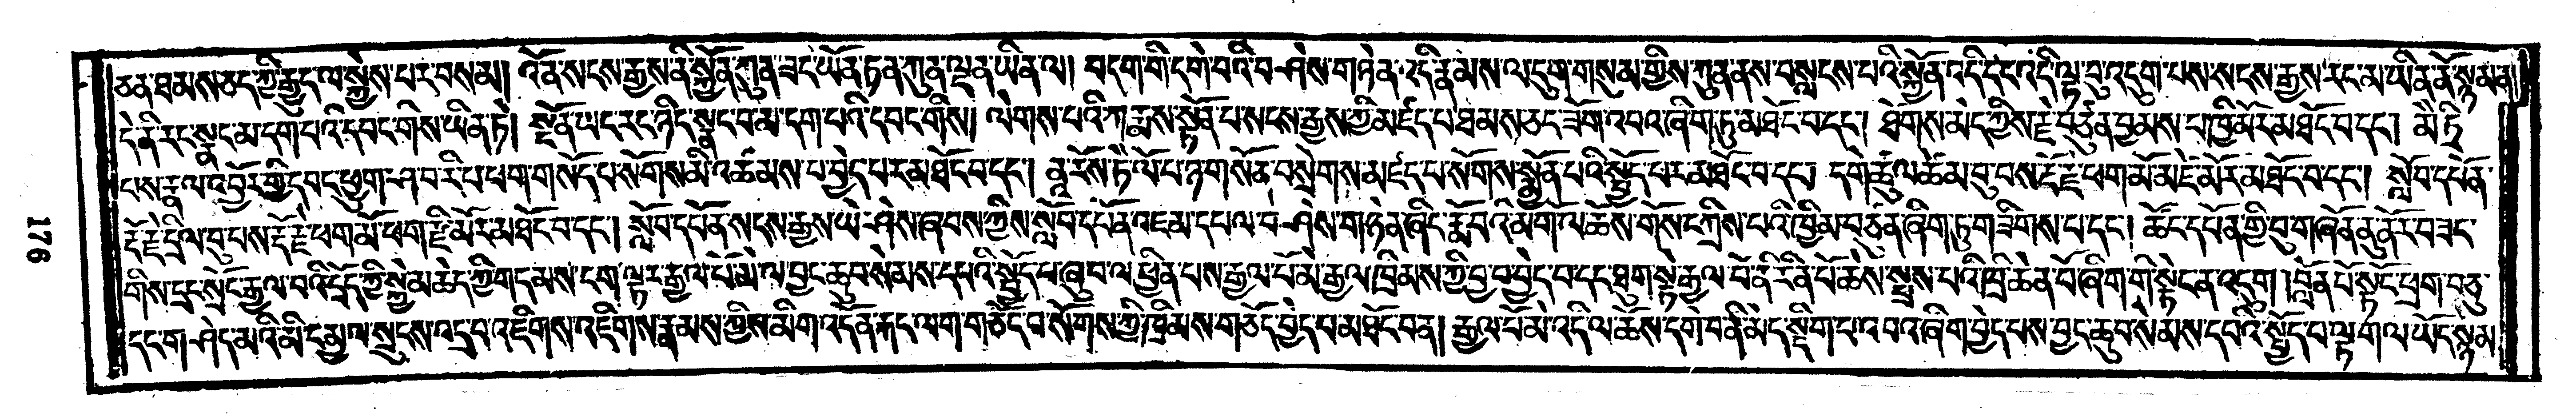ཅན་ཐམས་ཅད་ཀྱི་རྒྱུད་ལ་སྐྱེས་པར་བསམ། འོ་ན་སངས་རྒྱས་ནི་སྐྱོན་ཀུན་ཟང་ཡོན་ཏན་ཀུན་ལྡན་ཡིན་ལ། བདག་གི་དགེ་བའི་བཤེས་གཉེན་འདི་རྣམས་ལ་དུག་གསུམ་གྱིས་ཀུན་ནས་བསླངས་པའི་སྐྱོན་འདི་དང་འདི་ལྟ་བུ་འདུག་པས་སངས་རྒྱས་རང་མ་ཡིན་ནོ་སྙམ་ན།
དེ་ནི་རང་སྣང་མ་དག་པའི་དབང་གིས་ཡིན་ཏེ། སྔོན་ཡང་རང་ཉིད་སྣང་བ་མ་དག་པའི་དབང་གིས། ལེགས་པའི་ཀརྨས་སྟོན་པ་སངས་རྒྱས་ཀྱི་མཛད་པ་ཐམས་ཅད་ཟོག་འབའ་ཞིག་ཏུ་མཐོང་བ་དང་། ཐོགས་མེད་ཀྱིས་རྗེ་བཙུན་བྱམས་པ་ཁྱི་མོར་མཐོང་བ་དང་། མཻ་ཏྲི་
པས་རྣལ་འབྱོར་གྱི་དབང་ཕྱུག་ཤ་བ་རི་པ་ཕག་གསོད་པ་སོགས་མི་འཚམས་པ་བྱེད་པར་མཐོང་བ་དང་། ནཱ་རོས་ཏཻ་ལོ་པ་ཉ་གསོན་བསྲེགས་མཛད་པ་སོགས་སྨྱོན་པའི་སྤྱོད་པར་མཐོང་བ་དང་། དགེ་ཚུལ་འཚེམ་བུ་བས་རྡོ་རྗེ་ཕག་མོ་མཛེ་མོར་མཐོང་བ་དང་། སློབ་དཔོན་
རྡོ་རྗེ་དྲིལ་བུ་པས་རྡོ་རྗེ་ཕག་མོ་ཕག་རྫི་མོར་མཐོང་བ་དང་། སློབ་དཔོན་སངས་རྒྱས་ཡེ་ཤེས་ཞབས་ཀྱིས་སློབ་དཔོན་འཇམ་དཔལ་བཤེས་གཉེན་ཞིང་རྨོ་བའི་མགོ་ལ་ཆོས་གོས་དཀྲིས་པའི་ཁྱིམ་བཙུན་ཞིག་ཏུ་གཟིགས་པ་དང་། ཚོང་དཔོན་གྱི་བུ་གཞོན་ནུ་ནོར་བཟང་
གིས་དྲང་སྲོང་རྒྱལ་བའི་དྲོད་ཀྱི་སྐྱེ་མཆེད་ཀྱི་གདམས་ངག་ལྟར་རྒྱལ་པོ་མེ་ལ་བྱང་ཆུབ་སེམས་དཔའི་སྤྱོད་པ་ཞུབ་ལ་ཕྱིན་པས་རྒྱལ་པོ་མེ་རྒྱལ་ཁྲིམས་ཀྱི་བྱ་བ་བྱེད་པ་དང་ཐུག་སྟེ་རྒྱལ་བོ་ནི་རིན་པོ་ཆེས་སྤྲས་པའི་ཁྲི་ཆེན་པོ་ཞིག་གི་སྟེང་ན་འདུག །བློན་པོ་སྟོང་ཕྲག་བཅུ་
དང་གཤེད་མའི་མི་དམྱལ་སྲུངས་འདྲ་བ་འཇིགས་འཇིགས་རྣམས་ཀྱིས་མིག་འདོན་རྐང་ལག་གཅོད་པ་སོགས་ཀྱི་ཁྲིམས་གཅོད་བྱེད་པ་མཐོང་བ་ན། རྒྱལ་པོ་མེ་འདི་ལ་ཆོས་དགེ་བ་ནི་མེད་སྡིག་པ་འབའ་ཞིག་བྱེད་པས་བྱང་ཆུབ་སེམས་དཔའི་སྤྱོད་པ་ལྟ་གལ་ཡོད་སྙམ་